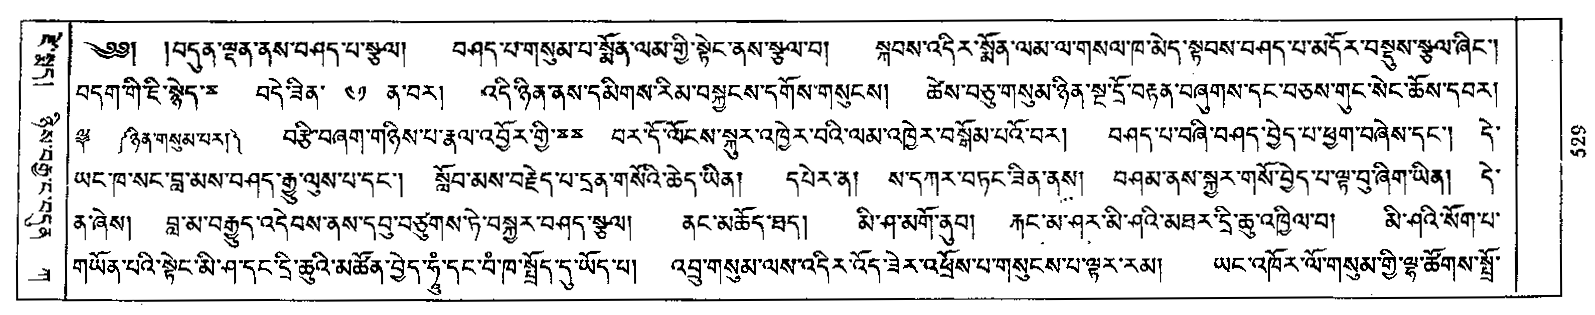༄༅། །བདུན་ལྡན་ནས་བཤད་པ་སྩལ། བཤད་པ་གསུམ་པ་སྨོན་ལམ་གྱི་སྟེང་ནས་སྩལ་བ། སྐབས་འདིར་སྨོན་ལམ་ལ་གསལ་ཁ་མེད་སྟབས་བཤད་པ་མདོར་བསྡུས་སྩལ་ཞིང་།
བདག་གི་ཇི་སྙེད་྾་བདེ་ཟིན ༤༡་ན་བར། འདི་ཉིན་ནས་དམིགས་རིམ་བསྐྱངས་དགོས་གསུངས། ཚེས་བཅུ་གསུམ་ཉིན་སྔ་དྲོ་བརྟན་བཞུགས་དང་བཅས་གུང་སེང་ཆོས་དབར།
༈ ?ཉིན་གསུམ་པར། བརྩི་བཞག་གཉིས་པ་རྣལ་འབྱོར་གྱི་྾་྾་བར་དོ་ལོངས་སྐུར་འཁྱེར་བའི་ལམ་འཁྱེར་བསྒོམ་པའོ་བར། བཤད་པ་བཞི་བཤད་བྱེད་པ་ཕྱག་བཞེས་དང་། དེ་
ཡང་ཁ་སང་བླ་མས་བཤད་རྒྱུ་ལུས་པ་དང་། སློབ་མས་བརྗེད་པ་དྲན་གསོའི་ཆེད་ཡིན། དཔེར་ན། ས་དཀར་བཏང་ཟིན་ནས། བཤམ་ནས་སྐྱར་གསོ་བྱེད་པ་ལྟ་བུ་ཞིག་ཡིན། དེ་
ན་ཞེས། བླ་མ་བརྒྱུད་འདེབས་ནས་དབུ་བཙུགས་ཏེ་བསྐྱར་བཤད་སྩལ། ནང་མཆོད་ཐད། མི་ཤ་མགོ་ནུབ། རྐང་མ་ཤར་མི་ཤའི་མཐར་དྲི་ཆུ་འཁྱིལ་བ། མི་ཤའི་སོག་པ་
གཡོན་པའི་སྟེང་མི་ཤ་དང་དྲི་ཆུའི་མཚོན་བྱེད་ཧཱུཾ་དང་བཾ་ཁ་སྤྲོད་དུ་ཡོད་པ། འབྲུ་གསུམ་ལས་འདིར་འོད་ཟེར་འཕྲོས་པ་གསུངས་པ་ལྟར་རམ། ཡང་འཁོར་ལོ་གསུམ་གྱི་ལྷ་ཚོགས་སྤྲོ་